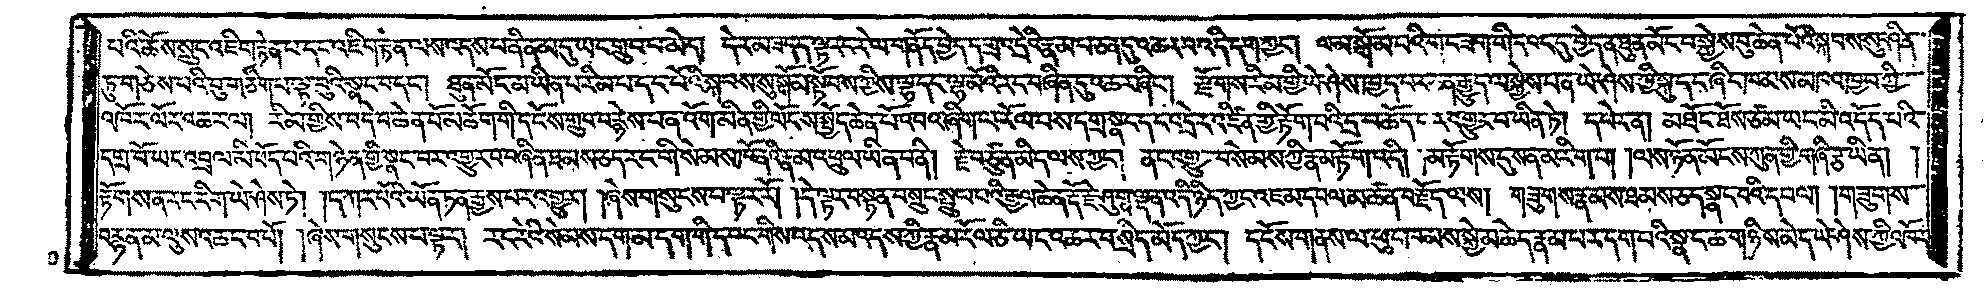པའི་ཆོས་སྲུང་འཇིག་རྟེན་པ་དང་འཇིག་རྟེན་ལས་འདས་པ་ནི་ནམ་དུ་ཡང་གྲུབ་པ་མེད། དེར་མ་ཟད་ད་ལྟ་རང་རེ་ལ་གནོད་བྱེད་དགྲ་འདྲེའི་རྣམ་པ་ཅན་དུ་འཆར་བ་འདི་དག་ཀྱང་། ལམ་སྒོམ་པའི་གང་ཟག་གི་དབང་དུ་བྱེད་ན་ཐུན་མོང་བ་སྐྱེས་བུ་ཆེན་པོའི་སྐབས་སུ་ཤིན་
ཏུ་གཅེས་པའི་བུ་གཅིག་པ་ལྟ་བུའི་སྣང་བ་དང་། ཐུན་མོང་མ་ཡིན་པ་རིམ་པ་དང་པོའི་སྐབས་སུ་སྒོམ་སྟོབས་ཀྱིས་ལྷ་དང་ལྷ་མོའི་རང་བཞིན་དུ་འཆར་ཞིང་། རྫོགས་རིམ་གྱི་ཡེ་ཤེས་ཁྱད་པར་ཅན་རྒྱུད་ལ་སྐྱེས་པ་ན་ཡེ་ཤེས་ཀྱི་སྐུ་དང་ཞིང་ཁམས་མཁའ་ཁྱབ་ཀྱི་
འཁོར་ལོར་འཆར་ལ། རིམ་གྱིས་བདེ་བ་ཆེན་པོ་མཆོག་གི་དངོས་གྲུབ་བརྙེས་པ་ན་འོག་མིན་གྱི་ལོངས་སྤྱོད་ཆེན་པོ་འབའ་ཞིག་ལ་རོལ་པས་དགྲ་སྣང་དང་འདྲེར་འཛིན་གྱི་རྟོག་པའི་དྲ་བ་ཆོད་པར་འགྱུར་བ་ཡིན་ཏེ། དཔེར་ན། མཐོང་ཐོས་ཙམ་ཡང་མི་འདོད་པའི་
དགྲ་བོ་ཡང་འབྲལ་མི་ཕོད་པའི་གཉེན་གྱི་སྣང་བར་འགྱུར་བ་བཞིན་ཐམས་ཅད་རང་གི་སེམས་ཁོ་ནའི་རྣམ་འཕྲུལ་ཡིན་པ་ནི། རྗེ་བཙུན་མིད་ལས་ཀྱང་། ནང་འགྱུ་པ་སེམས་ཀྱི་རྣམ་རྟོག་འདི། །མ་རྟོགས་དུས་ན་མ་རིག་པ། །ལས་ཉོན་མོངས་ཀུན་གྱི་གཞི་རྩ་ཡིན། །
རྟོགས་ན་རང་རིག་ཡེ་ཤེས་ཏེ། །དཀར་པོའི་ཡོན་ཏན་རྒྱས་པར་འགྱུར། །ཞེས་གསུངས་པ་ལྟར་རོ། །དེ་ལྟར་བསྟན་བསྲུང་སྤྲུལ་པའི་རྒྱལ་ཆེན་རྡོ་རྗེ་ཤུགས་ལྡན་འདི་ཉིད་ཀྱང་འཇམ་དཔལ་མཚན་བརྗོད་ལས། གཟུགས་རྣམས་ཐམས་ཅད་སྣང་བའི་དཔལ། །གཟུགས་
བརྙན་མ་ལུས་འཆང་བ་པོ། །ཞེས་གསུངས་པ་ལྟར། རང་རེའི་སེམས་དག་མ་དག་གི་དབང་གིས་འདས་མ་འདས་ཀྱི་རྣམ་རོལ་ཅི་ཡང་འཆར་བ་སྲིད་མོད་ཀྱང་། དངོས་གནས་ལ་ཕུང་ཁམས་སྐྱེ་མཆེད་རྣམ་པར་དག་པའི་སྣང་ཆ་གཉིས་མེད་ཡེ་ཤེས་ཀྱི་འཁོར་